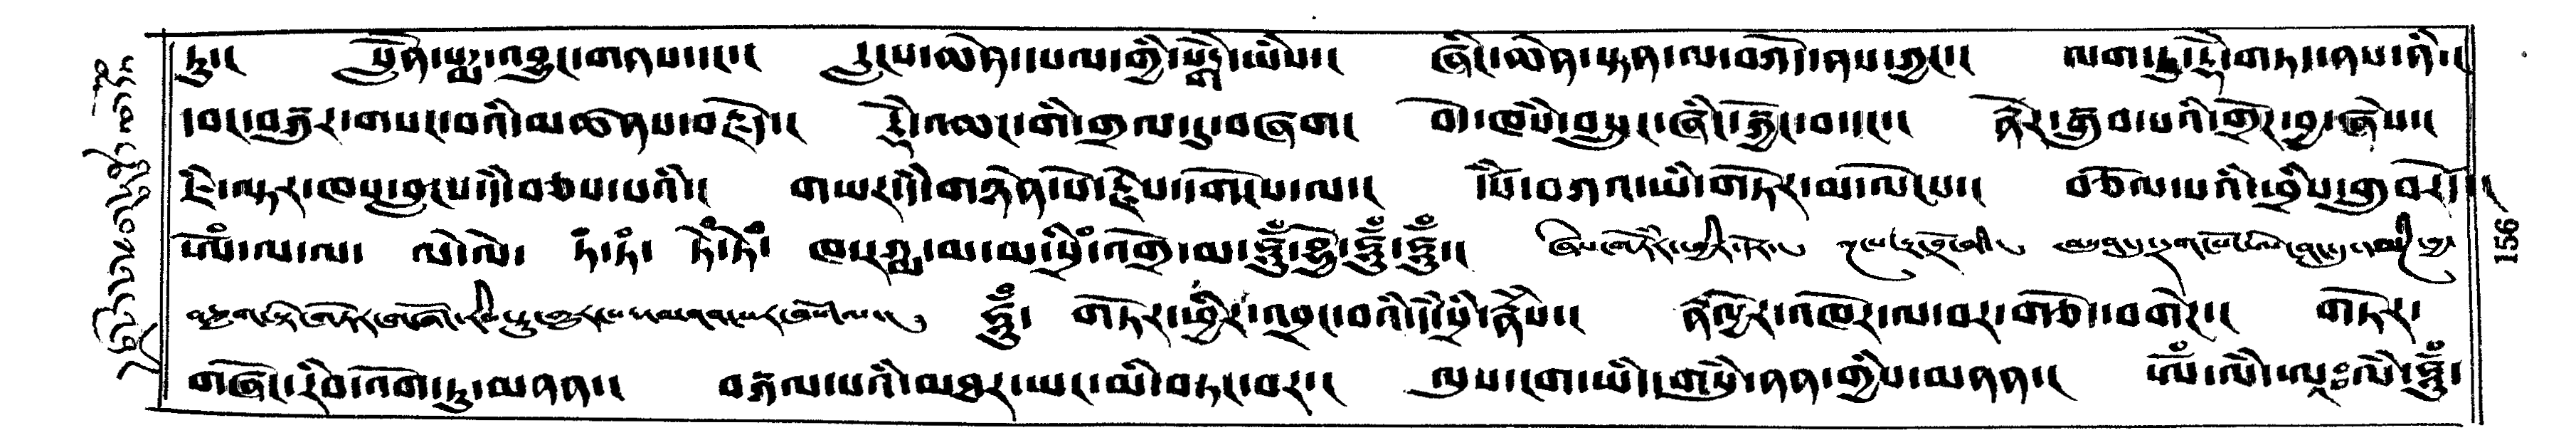ཏུ།སློབ་དཔོན་པདྨ་འབྱུང་གནས་དང་། །རླངས་ཆེན་དཔལ་གྱི་སེང་གེ་ཡིས། །ཞིང་ཆེན་སྟན་ལ་བཀོད་ནས་ཀྱང་། །ལག་ཏུ་རྡོ་རྗེ་གཏད་ནས་ནི། །
དབང་བསྐུར་གསང་བའི་མཚན་ནས་བརྗོད། །རྡོ་རྗེ་འཆང་གི་གྲལ་དུ་བཞག། །བོད་ཁམས་སྲུང་ཞིང་སྐྱོང་བ་དང་། །རྣལ་འབྱོར་སྒྲུབ་པའི་གྲོགས་བྱ་ཞེས། །
ཇི་ལྟར་ཁས་བླངས་དམ་བཅས་པའི། །གཡར་དམ་གཉེན་པོ་རྗེས་དགོང་ལ། དམ་རྫས་བཀའ་ཡི་གཏོར་མ་ལོངས། །བཅོལ་པའི་ཕྲིན་ལས་གྲུབ་པར་མཛོད།། 
ཨོཾ་ལ་ལ་། ལེ་ལེ། ཏཾ་ཏཾ། ཏེཾ་ཏེཾ། ཁ་རཀྨ་མ་མ་སྲིཾ་འགྲོ་མ་ཧཱུྃ་བྷྱོ་ཧཱུྃ་ཧཱུྃ། ཞེས་གཏོར་མ་ཕྱིར་དོར། ལྔ་པ་རྟ་བྲོ་ནི། མདུན་དུ་དྲག་པོ་ཨེའི་ནང་དུ་དམིགས་བྱ་
བཅུག་སྟེ་གཏོར་གཞོང་རི་རབ་ཏུ་གྱུར་པས་མནན་པར་བསམ་ལ། ཧཱུྃ། གཏོར་ཕྱིར་འབྲང་བའི་དམ་སྲི་རྣམས། །རྣལ་འབྱོར་འཁོར་ལ་བར་གཅོད་བགེགས། །གཏོར་
གཞོང་རི་རབ་འོག་ཏུ་མནན། །བསྐལ་པའི་མཐར་ཡང་མི་བཏང་བར། །ལུས་ངག་ཡིད་གསུམ་ནན་གྱིས་མནན།། ཨོཾ་ལཾ་ཨཱཿལཾ་ཧཱུྃ་